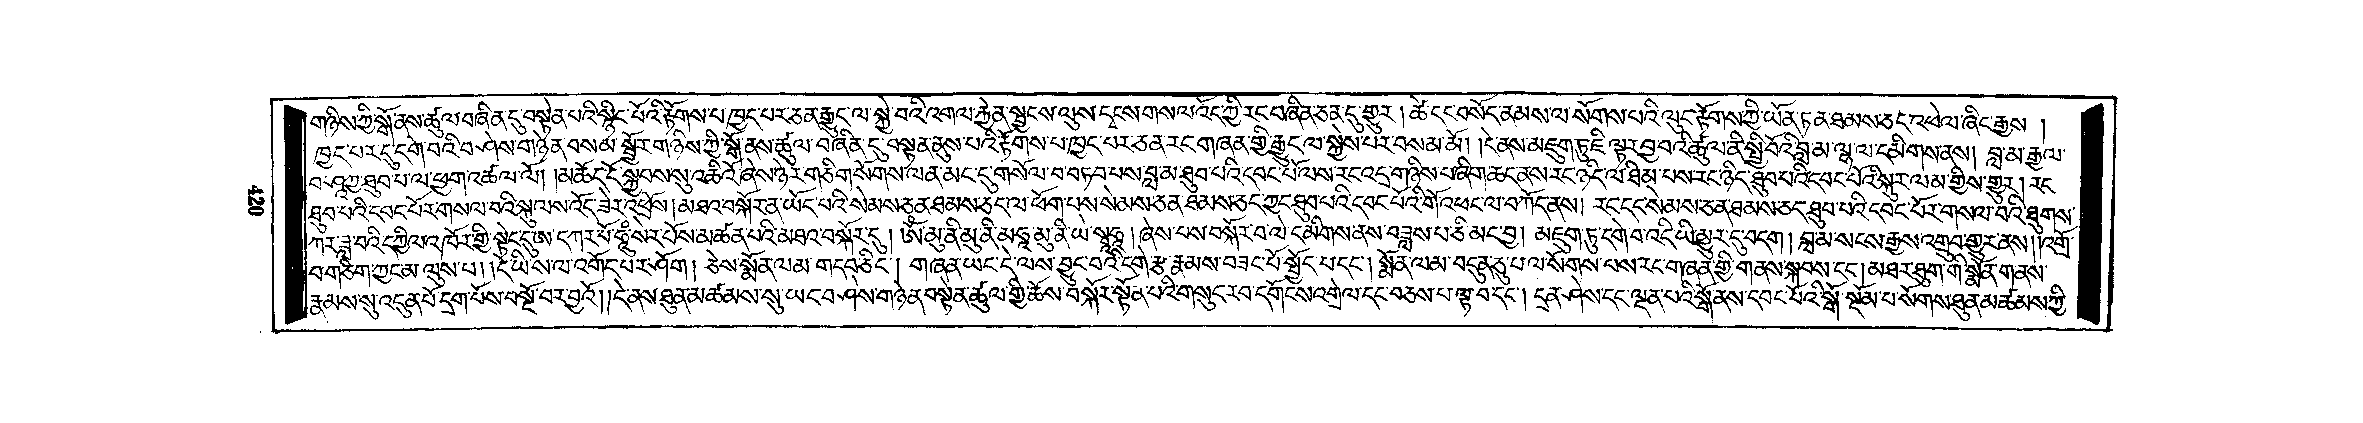གཉིས་ཀྱི་སྒོ་ནས་ཚུལ་བཞིན་དུ་བསྟེན་པའི་སྙིང་པོའི་རྟོགས་པ་ཁྱད་པར་ཅན་རྒྱུད་ལ་སྐྱེ་བའི་འགལ་རྐྱེན་སྦྱངས་ལུས་དྭངས་གསལ་འོད་ཀྱི་རང་བཞིན་ཅན་དུ་གྱུར། ཚེ་དང་བསོད་ནམས་ལ་སོགས་པའི་ལུང་རྟོགས་ཀྱི་ཡོན་ཏན་ཐམས་ཅད་འཕེལ་ཞིང་རྒྱས།
ཁྱད་པར་དུ་དགེ་བའི་བཤེས་གཉེན་བསམ་སྦྱོར་གཉིས་ཀྱི་སྒོ་ནས་ཚུལ་བཞིན་དུ་བསྟན་ནུས་པའི་རྟོགས་པ་ཁྱད་པར་ཅན་རང་གཞན་གྱི་རྒྱུད་ལ་སྐྱེས་པར་བསམ་མོ། །དེ་ནས་མཇུག་ཏུ་ཇི་ལྟར་བྱ་བའི་ཚུལ་ནི་སྤྱི་བོའི་བླ་མ་ལྷ་ལ་དམིགས་ནས། བླ་མ་རྒྱལ་
བ་ཤཱཀྱ་ཐུབ་པ་ལ་ཕྱག་འཚལ་ལོ། །མཆོད་དོ་སྐྱབས་སུ་འཆིའོ་ཞེས་ཉེར་གཅིག་སོགས་ལན་མང་དུ་གསོལ་བ་བཏབ་པས་བླ་མ་ཐུབ་པའི་དབང་པོ་ལས་རང་འདྲ་གཉིས་པ་ཞིག་ཆད་ནས་རང་ཉིད་ལ་ཐིམ་པས་རང་ཉིད་ཐུབ་པའི་དབང་པོའི་སྐུར་ལམ་གྱིས་གྱུར། རང་
ཐུབ་པའི་དབང་པོར་གསལ་བའི་སྐུ་ལས་འོད་ཟེར་འཕྲོས། མཐའ་བསྐོར་ན་ཡོད་པའི་སེམས་ཅན་ཐམས་ཅད་ལ་ཕོག་པས་སེམས་ཅན་ཐམས་ཅད་ཀྱང་ཐུབ་པའི་དབང་པོའི་གོ་འཕང་ལ་བཀོད་ནས། རང་དང་སེམས་ཅན་ཐམས་ཅད་ཐུབ་པའི་དབང་པོར་གསལ་བའི་ཐུགས་
ཀར་ཟླ་བའི་དཀྱིལ་འཁོར་གྱི་སྟེང་དུ་ཨ་དཀར་པོ་ཧཱུཾ་སེར་པོས་མཚན་པའི་མཐའ་བསྐོར་དུ། ཨོཾ་མུ་ནི་མུ་ནི་མྷཱ་མུ་ནི་ཡེ་སྭཱཧཱ། ཞེས་པས་བསྐོར་བ་ལེ་དམིགས་ནས་བཟླས་པ་ཅི་མང་བྱ། མཇུག་ཏུ་དགེ་བ་འདི་ཡི་མྱུར་དུ་བདག །བླ་མ་སངས་རྒྱས་འགྲུབ་གྱུར་ནས། །འགྲོ་
བ་གཅིག་ཀྱང་མ་ལུས་པ། །དེ་ཡི་ས་ལ་འགོད་པར་ཤོག །ཅེས་སྨོན་ལམ་གདབ་ཅིང་། གཞན་ཡང་དེ་ལས་བྱུང་བའི་དགེ་རྩ་རྣམས་བཟང་པོ་སྤྱོད་པ་དང་། སྨོན་ལམ་བདུན་ཅུ་པ་ལ་སོགས་པས་རང་གཞན་གྱི་གནས་སྐབས་དང་། མཐར་ཐུག་གི་སྨོན་གནས་
རྣམས་སུ་འདུན་པོ་དྲག་པོས་བསྔོ་བར་བྱའོ། །དེ་ནས་ཐུན་མཚམས་སུ་ཡང་བཤེས་གཉེན་བསྟེན་ཚུལ་གྱི་ཆོས་བསྐོར་སྟོན་པའི་གསུང་རབ་དགོངས་འགྲེལ་དང་བཅས་པ་ལྟ་བ་དང་། དྲན་ཤེས་དང་ལྡན་པའི་སྒོ་ནས་དབང་པོའི་སྒོ་སྡོམ་པ་སོགས་ཐུན་མཚམས་ཀྱི་